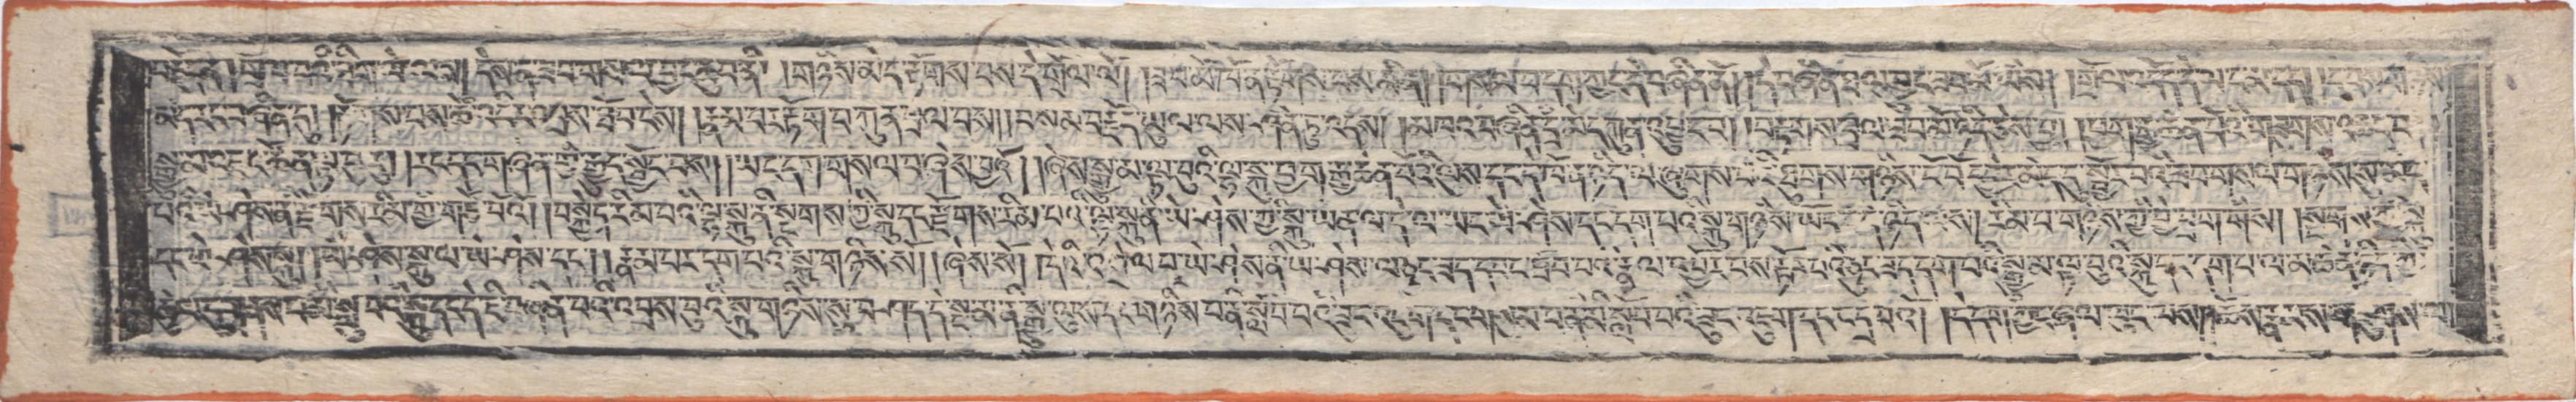བརྗོད་ན། གྲོལ་བའི་ཐིག་ལེ་ལས། དེས་ན་ཟབ་གསལ་བྱང་ཆུབ་ནི། །གཉིས་མེད་རྟོགས་པས་དེ་གྲོལ་ལོ། །ཟབ་མོ་ཁོ་ན་རྟོགས་པས་མིན། །གསལ་བ་དག་ཀྱང་དེ་བཞིན་ནོ། །དེ་བཞིན་ཐལ་བྱུང་ཟབ་མོ་ཡིས། །གྲོལ་འདོད་དེ་ལ་ང་མ་དང་། །དེ་བས་གཉིས་
མེད་རང་བཞིན་དུ། །རྟོགས་པས་ཚེ་འདིར་འབྲས་ཐོབ་ངེས། །རྣམ་པར་རྟོག་པ་ཀུན་བྲལ་བས། །བསམ་བརྗོད་ཡུལ་ལས་ཤིན་ཏུ་འདས། །མཁའ་བཞིན་དྲི་མེད་ཀུན་འབྱུང་བ། །བརྟགས་བྲལ་ཟབ་མོ་ཉིད་ཅེས་བྱ། །ཕྱག་རྒྱ་ཆེན་པོའི་གཟུགས་འཆང་བ། །
སྒྱུ་མ་འཇའ་ཚོན་ལྟ་བུ་རུ། །རང་དང་གཞན་གྱི་རྒྱུད་སྦྱོང་བས། །ཡང་དག་གསལ་བ་ཞེས་བྱའོ། །ཞེས་སྒྱུ་མ་ལྟ་བུའི་ལྷ་སྐུ་ཕྱག་རྒྱ་ཆེན་པོའི་ལུས་དང་དེ་ཁོ་ན་ཉིད་ལ་ཞུགས་པའི་ཐུགས་གཉིས་ངོ་བོ་དབྱེར་མེད་དུ་སྦྱོར་བའི་ཟབ་གསལ་གཉིས་སུ་མེད་
པའི་ཡེ་ཤེས་ནི་རྫོགས་རིམ་གྱི་གཙོ་བོའོ། །བསྐྱེད་རིམ་པའི་ལྷ་སྐུ་ནི་སྔགས་ཀྱི་སྐུ་དང་རྫོགས་རིམ་པའི་ལྷ་སྐུ་ནི་ཡེ་ཤེས་ཀྱི་སྐུ་ཡིན་ལ་དེ་ལ་ཡང་ཡེ་ཤེས་དང་དག་པའི་སྐུ་གཉིས་ཡོད་དེ་དེ་ཉིད་ལས། རིམ་པ་གཉིས་ཀྱི་བྱེ་བྲག་གིས། །སྔགས་ཀྱི་སྐུ་
དང་ཡེ་ཤེས་སྐུ། །ཡེ་ཤེས་སྐུ་ལ་ཡེ་ཤེས་དང་། །རྣམ་པར་དག་པའི་སྐུ་གཉིས་སོ། །ཞེས་སོ། །དེའི་འགྲེལ་པར་ཡེ་ཤེས་ནི་ཡེ་ཤེས་ལ་ཅུང་ཟད་དབང་ཐོབ་པའི་རྣལ་འབྱོར་པས་རྟོགས་པའི་ཅུང་ཟད་དག་པའི་སྒྱུ་མ་ལྟ་བུའི་སྐུ་དང་དག་པ་ལ་མཚན་ཉིད་ཀྱི་
ཚུལ་དུ་གནས་པ་མི་སླུ་བའི་སྐུ་དང་དེ་ཇི་བཞིན་པའི་འབྲས་བུའི་སྐུ་གཉིས་སུ་བཤད་དེ་སྔ་མ་ནི་སྒྱུ་ལུས་དང་གཉིས་པ་ནི་སློབ་པའི་ཟུང་འཇུག་དང་གསུམ་པ་ནི་མི་སློབ་པའི་ཟུང་འཇུག་དང་འདྲ་བའོ། །དེ་དག་ཀྱང་ཞལ་ལུང་ལས། །ཆོས་རྣམས་གཟུགས་ལ་